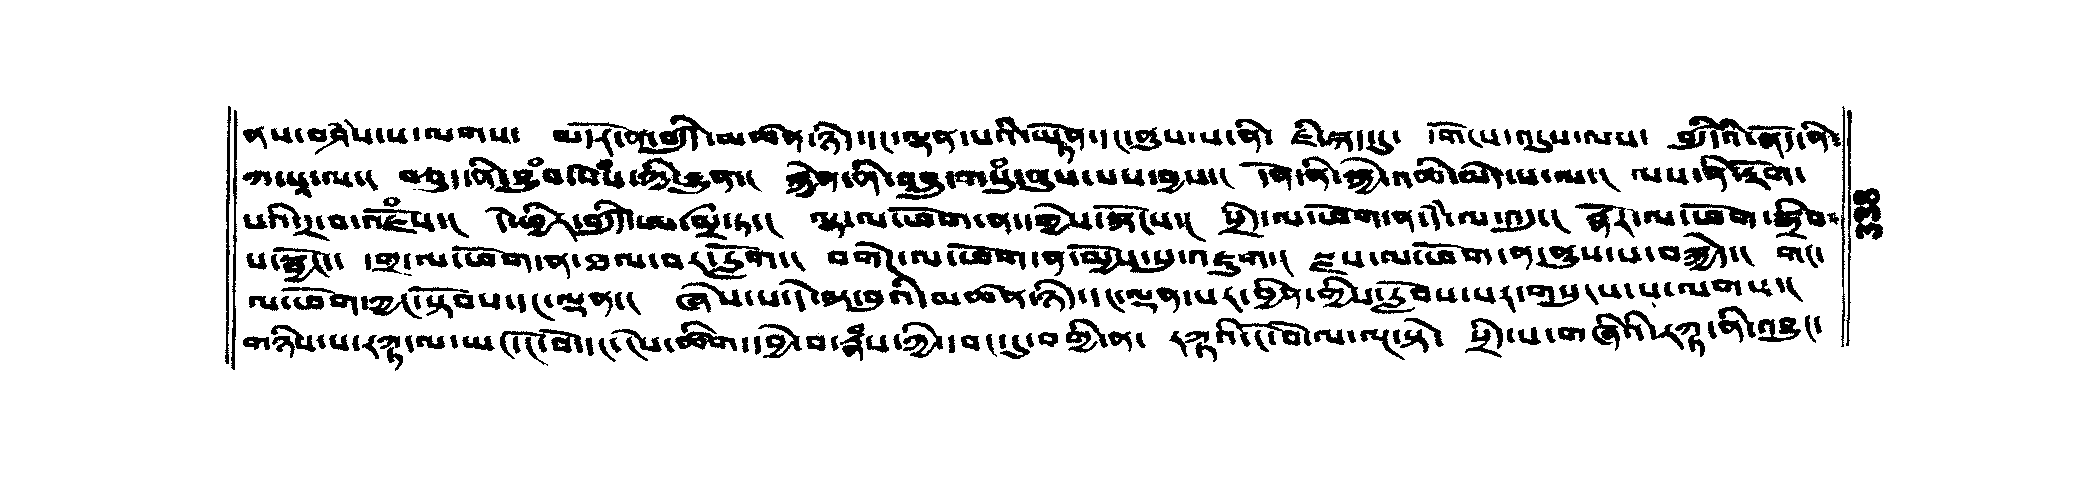ནས་བཤམས་པ་ལགས།མདོར་ན་བདུད་རྩི་མཚན་ཉིད་དང་ལྡན་པའི་ཡོན་ཏན་དང་ནུས་པ་ནི། ཇི་སྐད་དུ་དགོངས་འདུལ་ལས། བདུད་རྩིའི་སྣོད་ནི་
ཀ་པཱ་ལ། །བཅུད་ནི་བྱང་ཆུབ་སེམས་ཀྱི་རྒྱུན། །སྐྱེན་ནི་འབྲུ་གསུམ་ནུས་པས་བྱས། །དོན་ནི་སྐྱེ་འཆི་མེད་པ་ལ། །ལས་ནི་རྟོག་
པའི་དྲ་བ་འཇོམས། །དེ་ཕྱིར་བདུད་རྩི་ཨ་མྲྀ་ཏ། །ལྷ་ལ་ཕོག་ན་དགྱེས་པ་སྐོངས། །སྲིད་ལ་ཕོག་ན་དམལ་འདུ། །རྣལ་འབྱོར་ལ་ཕོག་སྒྲིབ་
པ་སྦྱོང་། །དགྲ་ལ་ཕོག་ན་ཁལ་བར་རློག་།བགེགས་ལ་ཕོག་ན་མྱོས་ན་འཇུག་།རྫས་ན་ཕོག་ན་ནུས་པ་བསྐྱེད། །གང་
ལ་ཕོག་ན་སྟོབས་དང་ལྡན། །ཞེས་པ་དེ་ལྟ་བུའི་མཚན་ཉིད་དང་ལྡན་པར་བྱིན་གྱིས་རླབས་པར་གསུངས་པ་ལགས། 
གཉིས་པ་རཀྟ་ལ་ཡང་ངོ་བོ་དང་ངེས་ཚིག་དབྱེ་བ་རྣམས་ཀྱི་དབང་དུ་བགྱི་ན། རཀྟཱི་ངོ་བོ་ལ་ལྔ་སྟེ། སྲིད་པ་གཞིའི་རཀྟ་ནི་འབྱུང་